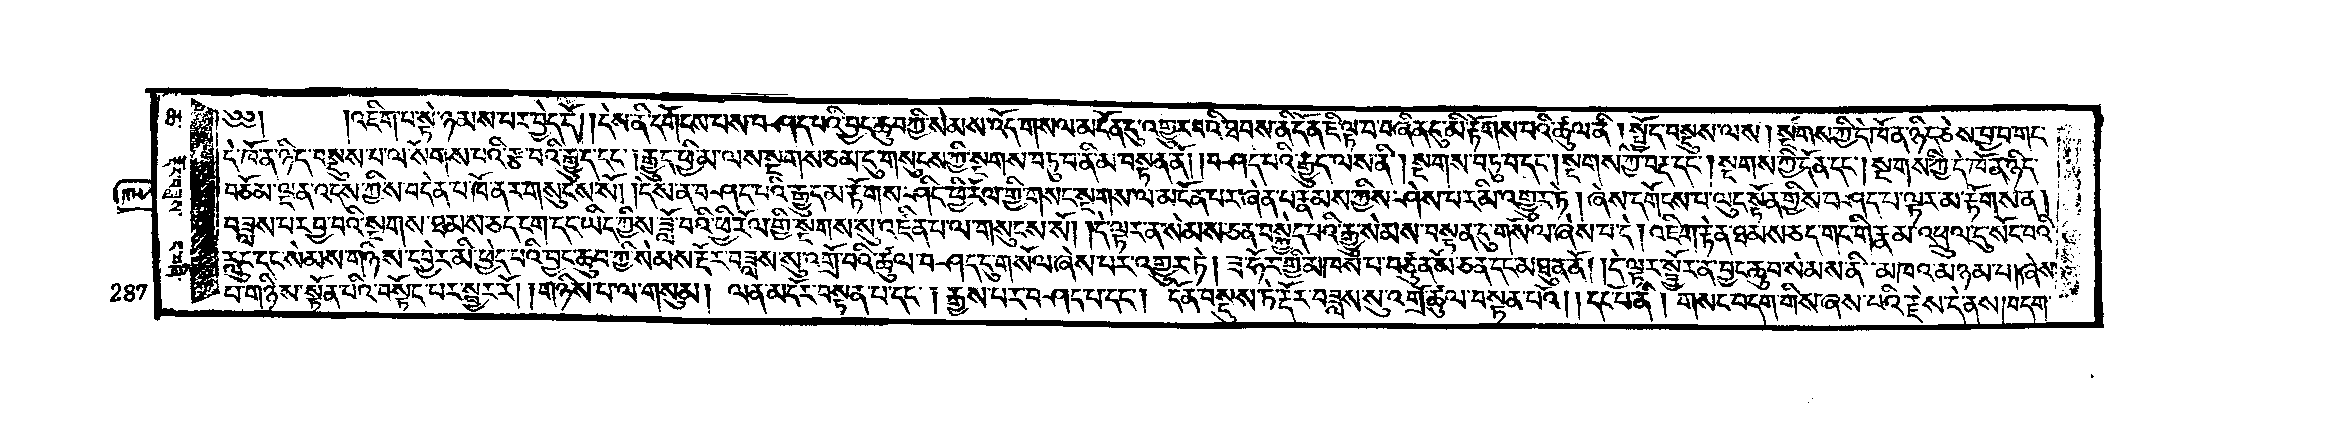༄༅། །འཇིག་པ་སྟེ་ཉམས་པར་བྱེད་དོ། །དེས་ནི་དགོངས་པས་བཤད་པའི་བྱང་ཆུབ་ཀྱི་སེམས་འོད་གསལ་མངོན་དུ་འགྱུར་བའི་ཐབས་ནི་དོན་ཇི་ལྟ་བ་བཞིན་དུ་མི་རྟོགས་པའི་ཚུལ་ནི། སྤྱོད་བསྡུས་ལས། སྔགས་ཀྱི་དེ་ཁོ་ན་ཉིད་ཅེས་བྱ་བ་གང་
དེ་ཁོ་ན་ཉིད་བསྡུས་པ་ལ་སོགས་པའི་རྩ་བའི་རྒྱུད་དང་། རྒྱུད་ཕྱི་མ་ལས་སྔགས་ཙམ་དུ་གསུངས་ཀྱི་སྔགས་བཏུ་བ་ནི་མ་བསྟན་ནོ། །བཤད་པའི་རྒྱུད་ལས་ནི། སྔགས་བཏུ་བ་དང་། སྔགས་ཀྱི་བརྡ་དང་། སྔགས་ཀྱི་དོན་དང་། སྔགས་ཀྱི་དེ་ཁོ་ན་ཉིད་
བཅོམ་ལྡན་འདས་ཀྱིས་བདེན་པ་ཁོ་ནར་གསུངས་སོ། །དེས་ན་བཤད་པའི་རྒྱུད་མ་རྟོགས་ཤིང་ཕྱི་རོལ་གྱི་གསང་སྔགས་ལ་མངོན་པར་ཞེན་པ་རྣམས་ཀྱིས་ཤེས་པར་མི་འགྱུར་ཏེ། ཞེས་དགོངས་པ་ལུང་སྟོན་གྱིས་བཤད་པ་ལྟར་མ་རྟོགས་ན།
བཟླས་པར་བྱ་བའི་སྔགས་ཐམས་ཅད་ངག་དང་ཡིད་ཀྱིས་ཟློ་བའི་ཕྱི་རོལ་གྱི་སྔགས་སུ་འཛིན་པ་ལ་གསུངས་སོ། །དེ་ལྟར་ན་སེམས་ཅན་བསྐྱེད་པའི་རྒྱུ་སེམས་བསྟན་དུ་གསོལ་ཞེས་པ་དེ། འཇིག་རྟེན་ཐམས་ཅད་གང་གི་རྣམ་འཕྲུལ་དུ་སོང་བའི་
རླུང་དང་སེམས་གཉིས་དབྱེར་མི་ཕྱེད་པའི་བྱང་ཆུབ་ཀྱི་སེམས་རྡོར་བཟླས་སུ་འགྲོ་བའི་ཚུལ་བཤད་དུ་གསོལ་ཞེས་པར་འགྱུར་ཏེ། ཟ་ཧོར་གྱི་མཁས་པ་བཙུན་མོ་ཅན་དང་མཐུན་ནོ། །དེ་ལྟར་སྦྱོར་ན་བྱང་ཆུབ་སེམས་ནི་ནམ་མཁའ་མཉམ་པ། ཞེས་
པ་གཉིས་སྟོན་པའི་བསྟོད་པར་སྦྱར་རོ། །གཉིས་པ་ལ་གསུམ། ལན་མདོར་བསྟན་པ་དང་། རྒྱས་པར་བཤད་པ་དང་། དོན་བསྡུས་ཏེ་རྡོར་བཟླས་སུ་འགྲོ་ཚུལ་བསྟན་པའོ། །དང་པོ་ནི། གསང་བདག་གིས་ཞུས་པའི་རྗེས་དེ་ནས། བདག་